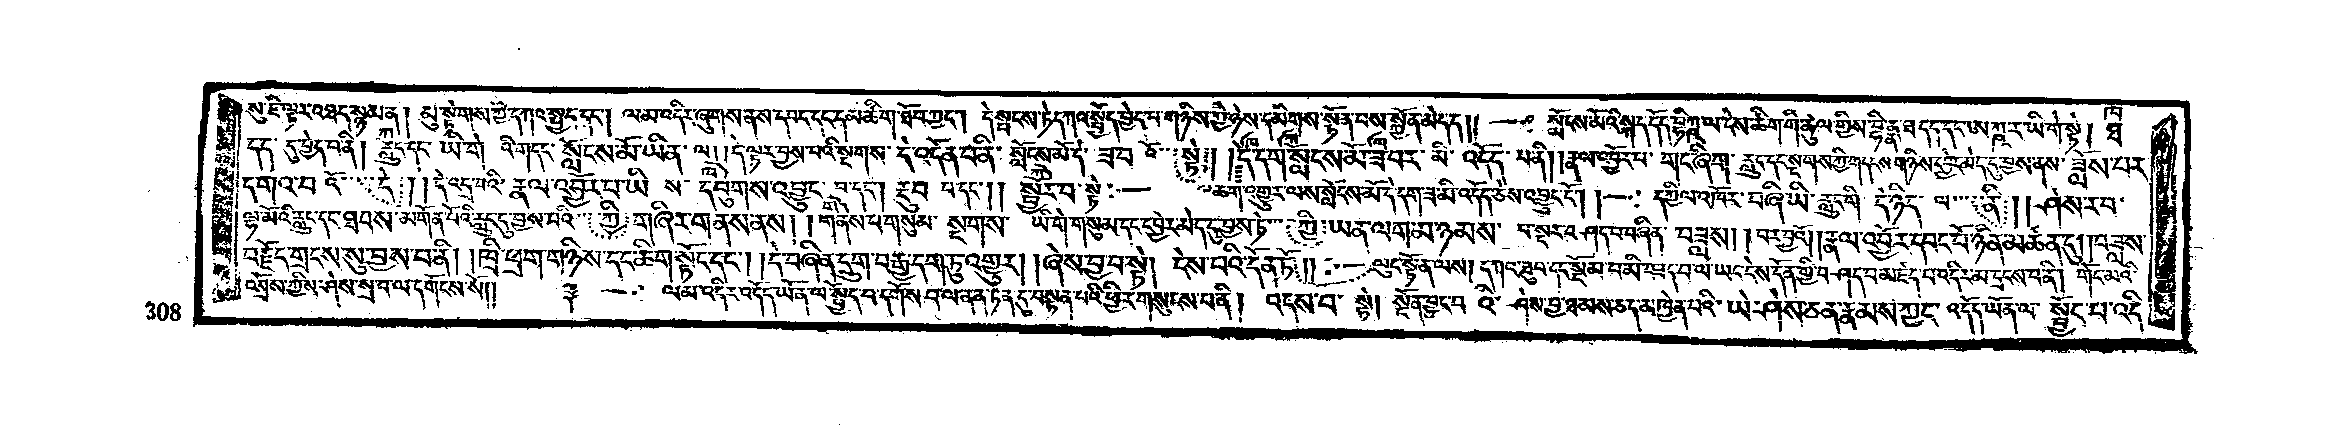སུ་ཇི་ལྟར་འཐད་སྙམ་ན། མུ་སྟེགས་ཀྱི་དཀའ་སྤྱད་དང་། ལམ་འདིར་ཞུགས་ནས་དབང་དང་དམ་ཚིག་ཐོབ་ཀྱང་། དེ་སྤངས་ཏེ་དཀའ་སྤྱོད་བྱེད་པ་གཉིས་ཀྱི་ཉེས་དམིགས་སྟོན་པས་སྐྱོན་མེད་དོ།། .H སློངས་མོའི་སྐད་དོད་བྷི་ཀྵ་ལ་ངེས་ཚིག་གི་ཚུལ་གྱིས་བྷི་ནྣ་ཐ་དད་དང་ཨ་ཀྵ་ར་ཡི་གེ་སྟེ། ཁ་ཐ་
དད་དུ་བྱེད་པ་ནི། ཀ་རླུང་དང་ཡི་གེའི་གདང་སློངས་མོ་ཡིན་ལ། །དེ་ལྟར་བྱས་པའི་སྔགས་དེ་འདོན་པ་ནི་སློངས་མོ་དེ་ཟ་བའོ་སྟེ། ། ?ཁ་དེ་དག་?ཀ་སློངས་མོ་?ག་ཟ་བར་མི་འདོད་པ་ནི། །རྣལ་འབྱོར་པ་གང་ཞིག་རླུང་དང་སྔགས་ཀྱི་གདངས་གཉིས་དབྱེར་མེད་དུ་བྱས་ནས་ཟློས་པར་
དགའ་བའོ་དེ། ། དེ་འདྲ་བའི་རྣལ་འབྱོར་པ་ཡིས་ཁ྄་དབུགས་འབྱུང་བ་དང། རྔུབ་པ་དང། ། ཀ྄་སྦྱོར་བ་སྟེཿ་༧་ཆག་འགྱུར་ལས་སློངས་མོ་དེ་དག་ཟ་མི་འདོད་ཅེས་འབྱུང་ངོ། ། .H དཀྱིལ་འཁོར་བཞི་ཡི་རླུང་གི་དེ་ཉིད་ལ་ནི། །ཤེས་རབ་
ལྷ་མོའི་རླུང་དང་ཐབས་མགོན་པོའི་རླུང་དུ་བྱས་པའི་ཀྱི་གཞིར་གནས་ནས། ། ག྄་གནས་པ་གསུམ་སྔགས་ཡི་གེ་གསུམ་དང་དབྱེར་མེད་དུ་བྱས་ཏེ་ཀྱི་ཡན་ལག་མ་ཉམས་པ་སྔར་བཤད་པ་བཞིན་བཟླས། ། པར་བྱའོ། །རྣལ་འབྱོར་དབང་པོ་ཉིན་མཚན་དུ། །བཟླས་
བརྗོད་གྲངས་སུ་བྱས་པ་ནི། །ཁྲི་ཕྲག་གཉིས་དང་ཚིག་སྟོང་དང་། །དེ་བཞིན་དྲུག་བརྒྱ་དག་ཏུ་འགྱུར། །ཞེས་བྱ་བ་སྟེ། ངེས་པའི་དོན་ཏོ།།H.་ལུང་སྟོན་ལས། དཀའ་ཐུབ་དང་སྡོམ་པ་མི་བཟད་པ་ལ་ཡང་ངེས་དོན་གྱི་བཤད་པ་མཛད་པ་འདིར་མ་དྲངས་པ་ནི། གོང་མའི་
འཕྲོས་ཀྱིས་ཤེས་སླ་བ་ལ་དགོངས་སོ།། ༈ .H ལམ་འདིར་འདོད་ཡོན་ལ་སྤྱོད་པ་དགོས་པ་ལ་ནན་ཏན་དུ་བསྟན་པའི་ཕྱིར་གསུངས་པ་ནི། འདས་པ་སྟེ། སྔོན་བྱུང་བའི་ཤེས་བྱ་ཐམས་ཅད་མཁྱེན་པའི་ཡེ་ཤེས་ཅན་རྣམས་ཀྱང་འདོད་ཡོན་ལ་སྤྱོད་པ་འདི་